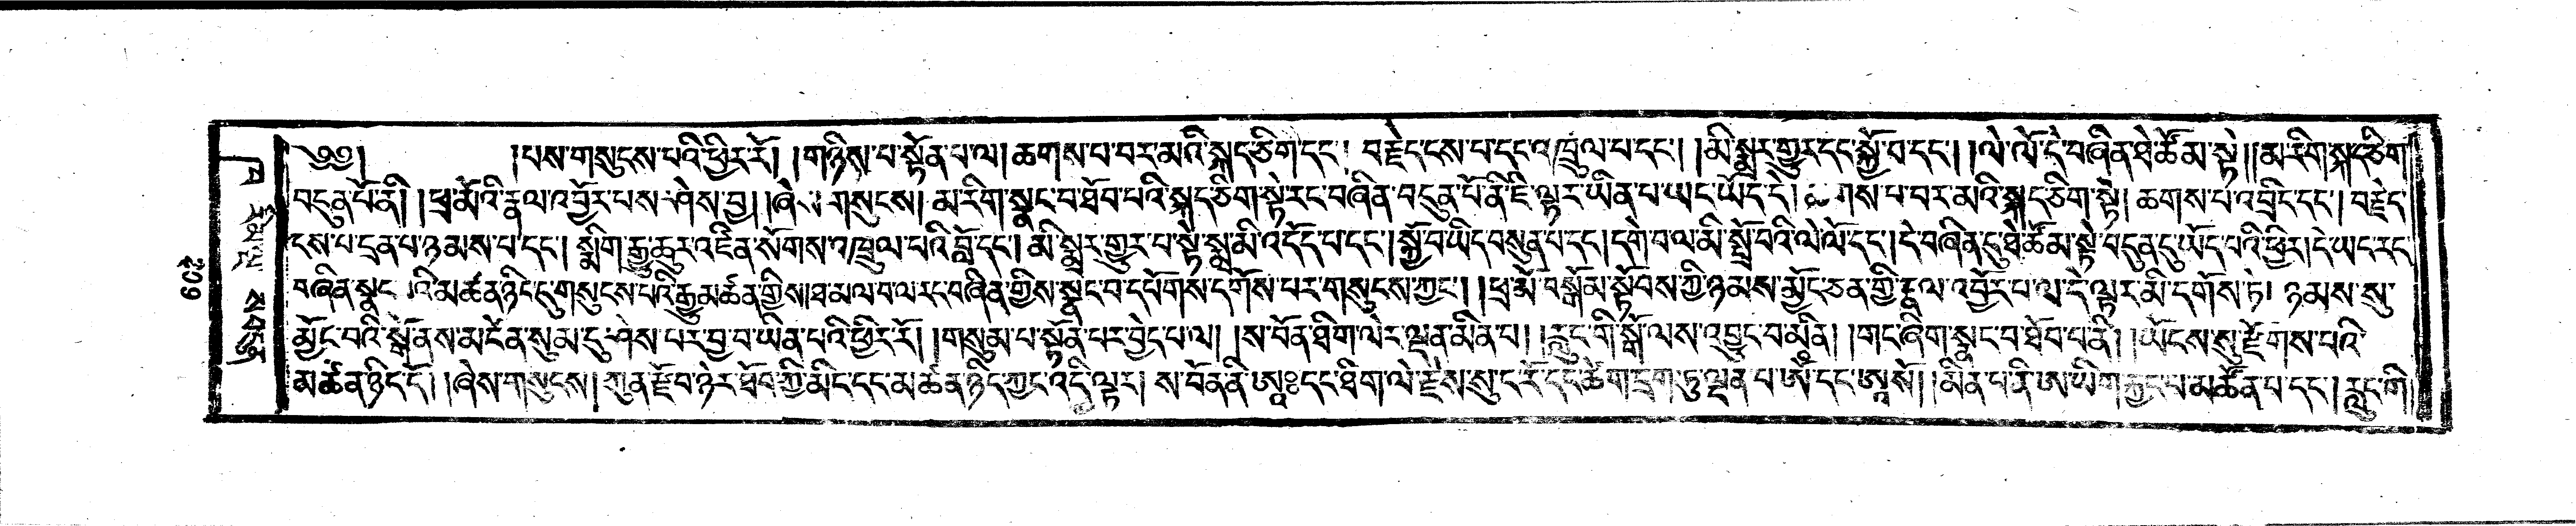༄༅། །པས་གསུངས་པའི་ཕྱིར་རོ། །གཉིས་པ་སྟོན་པ་ལ། ཆགས་པ་བར་མའི་སྐད་ཅིག་དང་། བརྗེད་ངས་པ་དང་འཁྲུལ་བ་དང་། །མི་སྨྲར་གྱུར་དང་སྐྱོ་བ་དང་། །ལེ་ལོ་དེ་བཞིན་ཐེ་ཚོམ་སྟེ། །མ་རིག་སྐད་ཅིག་
བདུན་པོ་ནི། །ཕྲ་མོའི་རྣལ་འབྱོར་པས་ཤེས་བྱ། །ཞེས་གསུངས། མ་རིག་སྣང་བ་ཐོབ་པའི་སྐད་ཅིག་སྟེ་རང་བཞིན་བདུན་པོ་ནི་ཇི་ལྟར་ཡིན་པ་ཡང་ཡོད་དེ། ཆགས་པ་བར་མའི་སྐད་ཅིག་སྟེ། ཆགས་པ་འབྲིང་དང་། བརྗེད་
ངས་པ་དྲན་པ་ཉམས་པ་དང་། སྨིག་རྒྱུ་ཆུར་འཛིན་སོགས་འཁྲུལ་པའི་བློ་དང་། མི་སྨྲར་གྱུར་པ་སྟེ་སྨྲ་མི་འདོད་པ་དང་། སྐྱོ་བ་ཡིད་བསུན་པ་དང་། དགེ་བ་ལ་མི་སྤྲོ་བའི་ལེ་ལོ་དང་། དེ་བཞིན་དུ་ཐེ་ཚོམ་སྟེ་བདུན་དུ་ཡོད་པའི་ཕྱིར། དེ་ཡང་རང་
བཞིན་སྣང་བའི་མཚན་ཉིད་དུ་གསུངས་པའི་རྒྱུ་མཚན་གྱིས། ཐ་མལ་པ་ལ་རང་བཞིན་གྱིས་སྣང་བ་དཔོགས་དགོས་པར་གསུངས་ཀྱང་། །ཕྲ་མོ་བསྒོམ་སྟོབས་ཀྱི་ཉམས་མྱོང་ཅན་གྱི་རྣལ་འབྱོར་བ་ལ་དེ་ལྟར་མི་དགོས་ཏེ། ཉམས་སུ་
མྱོང་བའི་སྒོ་ནས་མངོན་སུམ་དུ་ཤེས་པར་བྱ་བ་ཡིན་པའི་ཕྱིར་རོ། །གསུམ་པ་སྟོན་པར་བྱེད་པ་ལ། །ས་བོན་ཐིག་ལེར་ལྡན་མིན་པ། །རླུང་གི་སྒོ་ལས་འབྱུང་བ་མིན། །གང་ཞིག་སྣང་བ་ཐོབ་པ་ནི། །ཡོངས་སུ་རྫོགས་པའི་
མཚན་ཉིད་དོ། །ཞེས་གསུངས། ཀུན་རྫོབ་ཉེར་ཐོབ་ཀྱི་མིང་དང་མཚན་ཉིད་ཀྱང་འདི་ལྟར། ས་བོན་ནི་ཨཱཿ དང་ཐིག་ལེ་རྗེས་སུ་ང་རོ་དང་ཚེག་དྲག་ཏུ་ལྡན་པ་ཨོཾ་དང་ཨཱ་སོ། །མིན་པ་ནི་ཨ་ཡིག་རྐྱང་པ་མཚོན་པ་དང་། རླུང་གི་